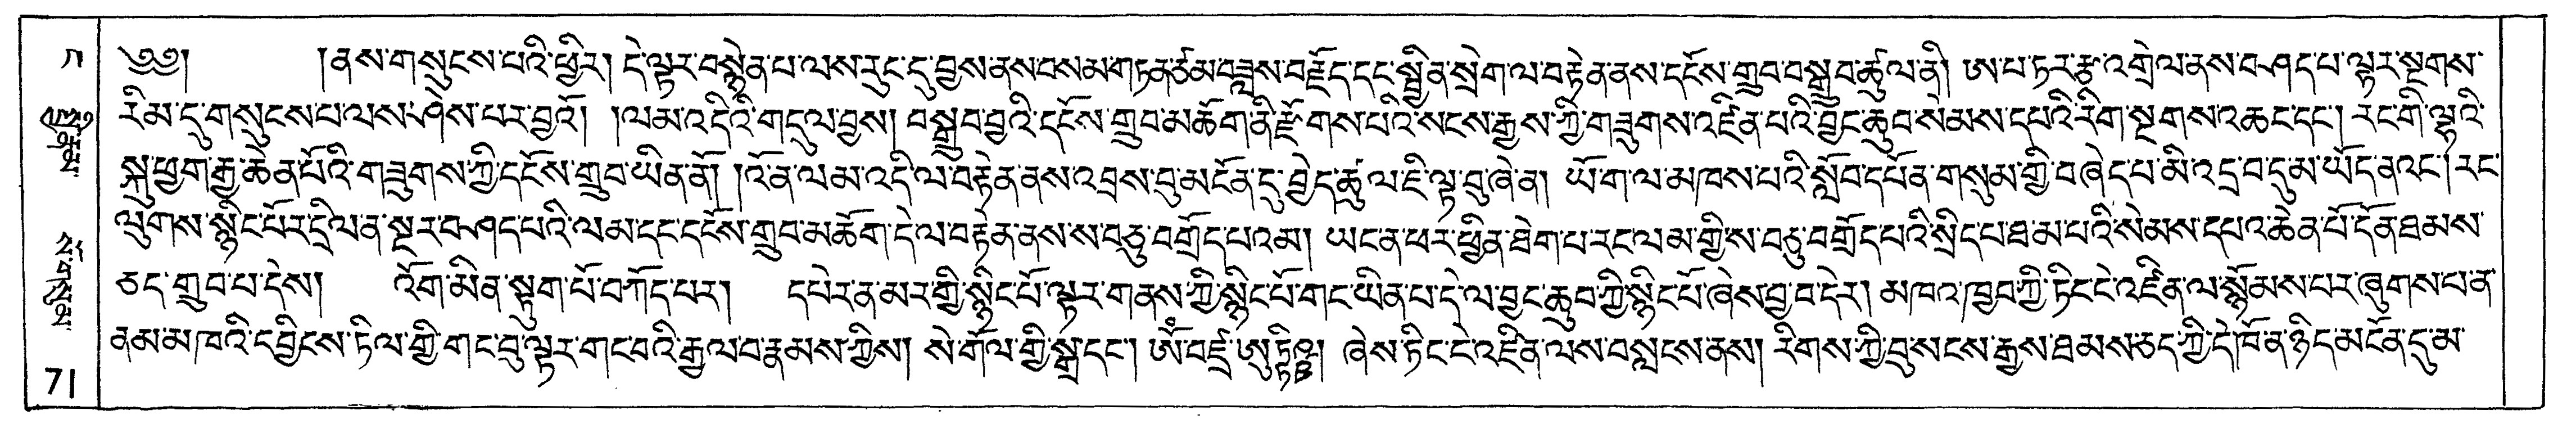༄༅། །ནས་གསུངས་པའི་ཕྱིར། དེ་ལྟར་བསྙེན་པ་ལས་རུང་དུ་བྱས་ནས་བསམ་གཏན་ཙམ་བཟླས་བརྗོད་དང་སྦྱིན་སྲེག་ལ་བརྟེན་ནས་དངོས་གྲུབ་བསྒྲུབ་ཚུལ་ནི། ཨ་པ་ཏར་རྩ་འགྲེལ་ནས་བཤད་པ་ལྟར་སྔགས་
རིམ་དུ་གསུངས་པ་ལས་ཤེས་པར་བྱའོ། །ལམ་འདིའི་གདུལ་བྱས། བསྒྲུབ་བྱའི་དངོས་གྲུབ་མཆོག་ནི་རྫོགས་པའི་སངས་རྒྱས་ཀྱི་གཟུགས་འཛིན་པའི་བྱང་ཆུབ་སེམས་དཔའི་རིག་སྔགས་འཆང་དང་། རང་གི་ལྷའི་
སྐུ་ཕྱག་རྒྱ་ཆེན་པོའི་གཟུགས་ཀྱི་དངོས་གྲུབ་ཡིན་ནོ། །འོ་ན་ལམ་འདི་ལ་བརྟེན་ནས་འབྲས་བུ་མངོན་དུ་བྱེད་ཚུལ་ཇི་ལྟ་བུ་ཞེ་ན། ཡོ་ག་ལ་མཁས་པའི་སློབ་དཔོན་གསུམ་གྱི་བཞེད་པ་མི་འདྲ་བ་དུ་མ་ཡོད་ནའང་། རང་
ལུགས་སྙིང་པོར་དྲིལ་ན་སྔར་བཤད་པའི་ལམ་དང་དངོས་གྲུབ་མཆོག་དེ་ལ་བརྟེན་ནས་ས་བཅུ་བགྲོད་པའམ། ཡང་ན་ཕར་ཕྱིན་ཐེག་པ་རང་ལམ་གྱི་ས་བཅུ་བགྲོད་པའི་སྲིད་པ་ཐ་མ་པའི་སེམས་དཔའ་ཆེན་པོ་དོན་ཐམས་
ཅད་གྲུབ་པ་དེས། འོག་མིན་སྟུག་པོ་བཀོད་པར། དཔེར་ན་མར་གྱི་སྙིང་པོ་ལྟར་གནས་ཀྱི་སྙིང་པོ་གང་ཡིན་པ་དེ་ལ་བྱང་ཆུབ་ཀྱི་སྙིང་པོ་ཞེས་བྱ་བ་དེར། མཁའ་ཁྱབ་ཀྱི་ཏིང་ངེ་འཛིན་ལ་སྙོམས་པར་ཞུགས་པ་ན་
ནམ་མཁའི་དབྱིངས་ཏིལ་གྱི་གང་བུ་ལྟར་གང་བའི་རྒྱལ་བ་རྣམས་ཀྱིས། སེ་གོལ་གྱི་སྒྲ་དང་། ཨོཾ་བཛྲ་ཨུཏྟིཥཊཿཨ། ཞེས་ཏིང་ངེ་འཛིན་ལས་བསླངས་ནས། རིགས་ཀྱི་བུ་སངས་རྒྱས་ཐམས་ཅད་ཀྱི་དེ་ཁོ་ན་ཉིད་མངོན་དུ་མ་